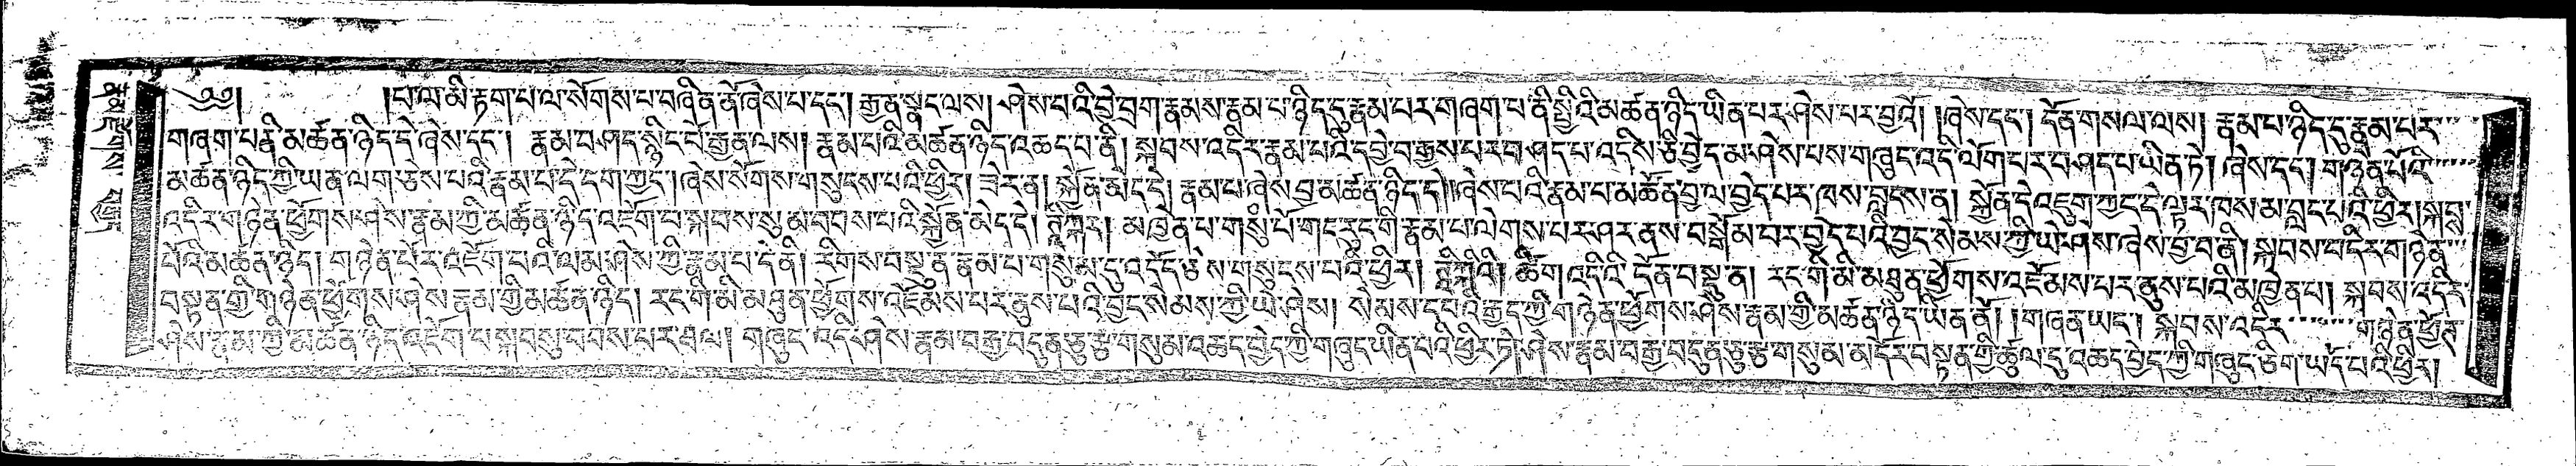༄༅། །པ་ལ་མི་རྟག་པ་ལ་སོགས་པ་བཞིན་ནོ་ཞེས་པ་དང་། རྒྱན་སྣང་ལས། ཤེས་པའི་བྱེ་བྲག་རྣམས་རྣམ་པ་ཉིད་དུ་རྣམ་པར་གཞག་པ་ནི་སྤྱིའི་མཚན་ཉིད་ཡིན་པར་ཤེས་པར་བྱའོ། །ཞེས་དང་། དོན་གསལ་ལས། རྣམ་པ་ཉིད་དུ་རྣམ་པར་
གཞག་པ་ནི་མཚན་ཉིད་དེ་ཞེས་དང་། རྣམ་བཤད་སྙིང་པོ་རྒྱན་ལས། རྣམ་པའི་མཚན་ཉིད་འཆད་པ་ནི། སྐབས་འདིར་རྣམ་པའི་དབྱེ་བ་རྒྱས་པར་བཤད་པ་འདིས་ཅི་བྱེད་མ་ཤེས་པས་གཞུང་འདི་ལོག་པར་བཤད་པ་ཡིན་ཏེ། ཞེས་དང་། གཉེན་པོའི་
མཚན་ཉིད་ཀྱི་ཡན་ལག་ཅེས་པའི་རྣམ་པ་དེ་དག་ཀྱང་། ཞེས་སོགས་གསུངས་པའི་ཕྱིར། ཟེར་ན། སྐྱོན་མེད་དེ། རྣམ་པ་ཞེས་བྱ་མཚན་ཉིད་དེ། །ཞེས་པའི་རྣམ་པ་མཚོན་བྱ་ལ་བྱེད་པར་ཁས་བླངས་ན། སྐྱོན་དེ་འཇུག་ཀྱང་དེ་ལྟར་ཁས་མ་བླངས་པའི་ཕྱིར། སྐབས་
འདིར་གཉེན་ཕྱོགས་ཤེས་རྣམ་ཀྱི་མཚན་ཉིད་འཇོག་བ་སྐབས་སུ་མ་བབས་པའི་སྐྱོན་མེད་དེ། ཊཱིཀྐར། མཁྱེན་པ་གསུམ་པོ་གང་རུང་གི་རྣམ་པ་ལེགས་པར་ཤར་ནས་སྒོམ་བར་བྱེད་པའི་བྱང་སེམས་ཀྱི་ཡེ་ཤེས་ཞེས་བྱ་བ་ནི། སྐབས་འདིར་གཉེན་
པོའི་མཚན་ཉིད། གཉེན་པོར་འཇོག་པའི་ལམ་ཤེས་ཀྱི་རྣམ་པ་དེ་ནི། རིགས་བསྡུ་ན་རྣམ་པ་གསུམ་དུ་འདོད་ཅེས་གསུངས་པའི་ཕྱིར། ཊཱིཀྐིའི། ཚིག་འདིའི་དོན་བསྡུ་ན། རང་གི་མི་མཐུན་ཕྱོགས་འཇོ་མས་པར་ནུས་པའི་མཁྱེན་པ། སྐབས་འདིར་
བསྟན་གྱི་གཉེན་ཕྱོགས་ཤེས་རྣམ་གྱི་མཚན་ཉིད། རང་གི་མི་མཐུན་ཕྱོགས་འཇོམས་པར་ནུས་པའི་བྱང་སེམས་ཀྱི་ཡེ་ཤེས། སེམས་དཔའི་རྒྱུད་ཀྱི་གཉེན་ཕྱོགས་ཤེས་རྣམ་གྱི་མཚན་ཉིད་ཡིན་ནོ། །གཞན་ཡང་། སྐབས་འདིར་གཉེན་ཕྱོགས་
ཤེས་རྣམ་ཀྱི་མཚན་ཉིད་འཇོག་པ་སྐབས་སུ་བབས་པར་ཐལ། གཞུང་འདི་ཤེས་རྣམ་བརྒྱ་བདུན་ཅུ་རྩ་གསུམ་འཆད་བྱེད་ཀྱི་གཞུང་ཡིན་པའི་ཕྱིར་ཏེ། ཤེས་རྣམ་བརྒྱ་བདུན་ཅུ་རྩ་གསུམ་མདོར་བསྟན་གྱི་ཚུལ་དུ་འཆད་བྱེད་ཀྱི་གཞུང་ཅིག་ཡོད་པའི་ཕྱིར།